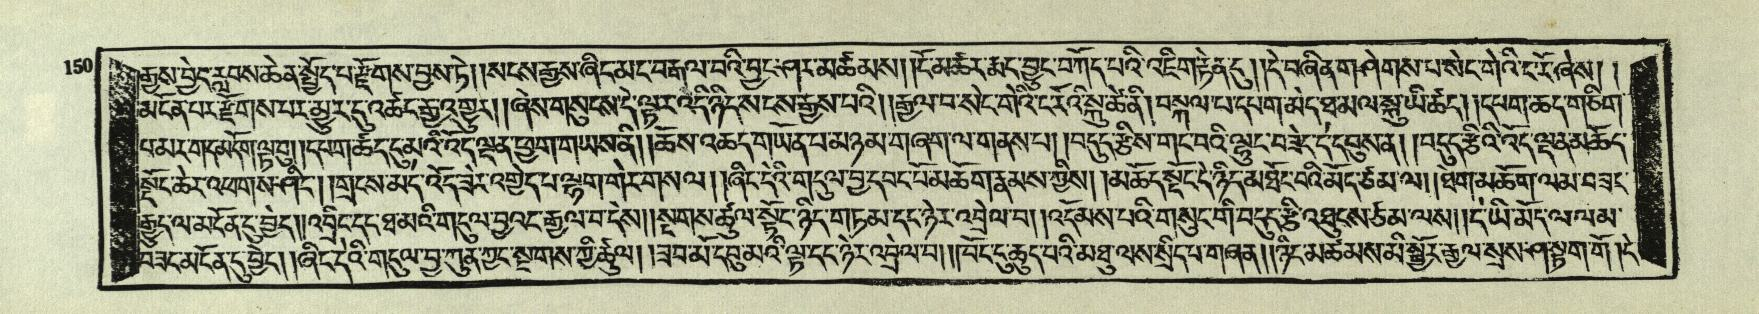རྒྱས་བྱེད་རླབས་ཆེན་སྤྱོད་པ་རྫོགས་བྱས་ཏེ། །སངས་རྒྱས་ཞིང་མང་བརྒལ་བའི་བྱང་ཤར་མཚམས། །ངོ་མཚར་རྨད་བྱུང་བཀོད་པའི་འཇིག་རྟེན་དུ། །དེ་བཞིན་གཤེགས་པ་སེང་གེའི་ང་རོ་ཞེས། །
མངོན་པར་རྫོགས་པར་མྱུར་དུ་འཚང་རྒྱ་འགྱུར། །ཞེས་གསུངས་དེ་ལྟར་འདི་ཉིད་སངས་རྒྱས་པའི། །རྒྱལ་བ་སེང་གེའི་ང་རོའི་སྐུ་ཚེ་ནི་།བསྐལ་པ་དཔག་མེད་ཐ་མལ་སྐུ་ཡི་ཚད། །དཔག་ཆད་གཅིག་
པ་མར་གད་མདོག་ལྟ་བུ། །དཔག་ཚད་དུ་མའི་འོད་ལྡན་ཕྱག་གཡས་ནི། །ཆོས་འཆད་གཡོན་པ་མཉམ་གཞག་ལ་གནས་པ། །བདུད་རྩིས་གང་བའི་ལྷུང་བཟེད་དེ་དབུས་ན། །བདུད་རྩིའི་འོད་ལྡན་མཆོད་
སྡོང་ཆེར་འཕགས་ཤིང་། །གྲངས་མེད་འོད་ཟེར་འགྱེད་པ་ལྷག་གེར་གསལ། །ཞིང་དེའི་གདུལ་བྱ་དབང་པོ་མཆོག་རྣམས་ཀྱིས། །མཆོད་སྡོང་དེ་ཉིད་མཐོང་བའི་མོད་ཙམ་ལ། །ཐེག་མཆོག་ལམ་བཟང་
རྒྱུད་ལ་མངོན་དུ་བྱེད། །འབྲིང་དང་ཐ་མའི་གདུལ་བྱའང་རྒྱལ་བ་དེས། །སྔགས་ཚུལ་སྟོང་ཉིད་གཏམ་དང་ཉེར་འབྲེལ་བ། །འདོམས་པའི་གསུང་གི་བདུད་རྩི་འཐུངས་ཙམ་ལས། །དེ་ཡི་མོད་ལ་ལམ་
བཟང་མངོན་དུ་བྱེད། །ཞིང་དེའི་གདུལ་བྱ་ཀུན་ཀྱང་སྔགས་ཀྱི་ཚུལ། །ཟབ་མོ་དབུ་མའི་ལྟ་དང་ཉེར་འབྲེལ་བ། །ཁོང་དུ་ཆུད་པའི་མཐུ་ལས་སྲིད་པ་གཞན། །ཉིད་མཚམས་མི་སྦྱོར་རྒྱལ་སྲས་ཤ་སྟག་གོ །དེ་